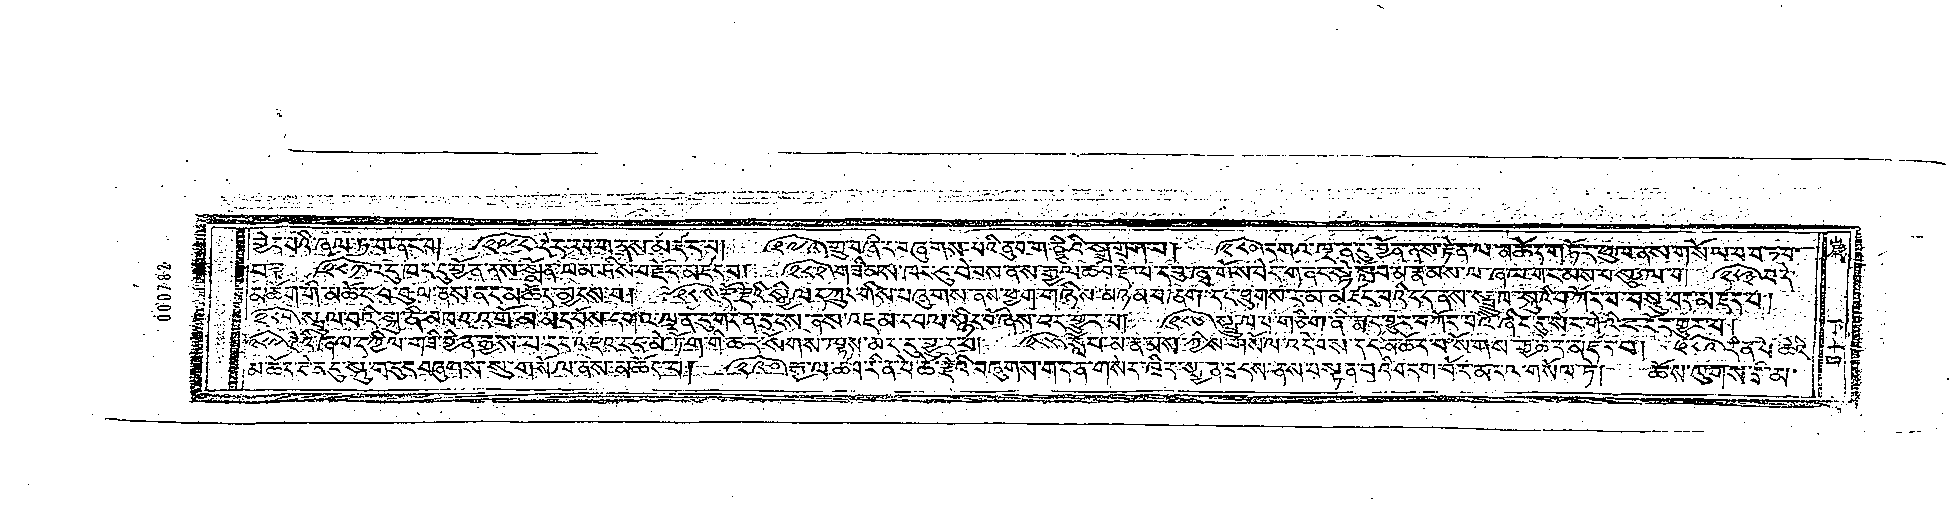བྱེད་པའི་ཞལ་ཏ་གནང་བ། ༼༢༧༨?་དེར་རབ་གནས་མཛད་པ། ༽༢༧༩?་གྲུ་བཞིར་བཞུགས་པའི་ནུབ་གཎྚིའི་སྒྲ་གྲག་པ། ༢༨༠?་དགའ་ལྡན་དུ་བྱོན་ནས་རྟེན་ལ་མཆོད་གཏོར་ཕུལ་ནས་གསོལ་བ་བཏབ་
པ༑ ༼༢༨༡?་འདུ་ཁང་དུ་བྱོན་ནས་སྨོན་ལམ་ཤིས་བརྗོད་མཛད་བ། ༽༢༨༢?་གཟིམས་ཁང་དུ་ཕེབས་ནས་རྒྱལ་ཚབ་རྗེ་ལ་དབུ་ཞྭ་གོས་བདེ་གནང་སྟེ་སློབ་མ་རྣམས་ལ་ཞལ་གདམས་བསྩལ་པ། ༢༨༣?་བདེ་
མཆོག་གི་མཆོད་པ་ཕུལ་ནས་ནང་མཆོད་མྱངས་བ། ༢༨༤?་རྡོ་རྗེའི་སྐྱིལ་དཀྲུང་གིས་བཞུགས་ནས་ཕྱག་གཉིས་མཉམ་བཞག་དང་ཐུགས་དམ་མཛད་པའི་དང་ནས་སྦྲུལ་སྐུའི་བཀོད་པ་བསྡུ་བར་མཛད་པ།
༼༢༨༥?་སྤྲུལ་བའི་སྐུ་ནི་མཁའ་འགྲོ་མ་མང་པོས་དགའ་ལྡན་དུ་གང་ན་དྲངས་ནས་འཇམ་དཔལ་སྙིང་པོ་ཞེས་བར་གྱུར་པ། ༽༢༨༦?་སྤྲུལ་པ་གཅིག་ནི་སྨད་བྱུང་བཀོད་པའི་ཞིང་དུ་སེང་གེའི་ང་རོར་གྱུར་པ།
༼༢༨༧?་རྗེའི་ཞལ་དཀྱིལ་གཟི་བྱིན་རྒྱས་པ་དང་འཇའ་དང་མེ་ཏོག་གི་ཆད་སོགས་ལྟས་མེད་དུ་བྱུང་བ། ༽༢༨༨?་སློབ་མ་རྣམས་ཀྱིས་གསོལ་འདེབས་དང་མཆོད་པ་སོགས་རྒྱ་ཆེར་མཛད་པ། ༢༨༩?་རིན་པོ་ཆེའི་
མཆོད་རྟེན་དུ་སྐུ་གདུང་བཞུགས་སུ་གསོལ་ནས་མཆོད་པ། ༢༩༠?་རྒྱ་ལ་ཚབ་རིན་པོ་ཆེ་རྗེའི་བཞུགས་གདན་གསེར་ཁྲིར་སྤྱན་དྲངས་ནས་བསྟན་པའི་བདག་བོར་མདའ་གསོལ་ཏེ། ཆོས་ལུགས་དྲི་མ་